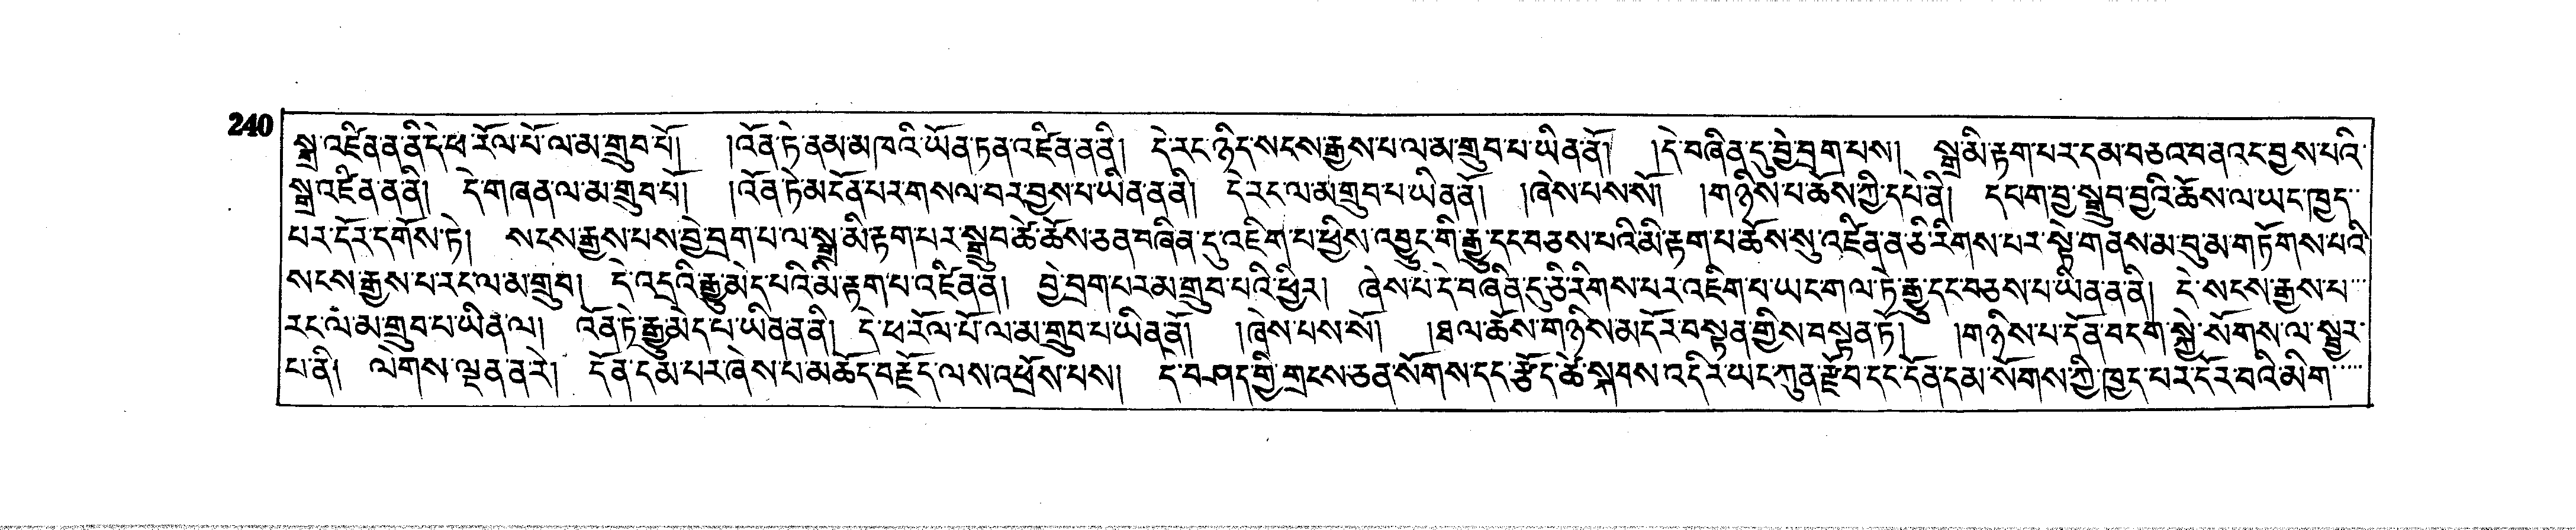སྒྲ་འཛིན་ན་ནི་དེ་ཕ་རོལ་པོ་ལ་མ་གྲུབ་པོ། །འོན་ཏེ་ནམ་མཁའི་ཡོན་ཏན་འཛིན་ན་ནི། དེ་རང་ཉིད་སངས་རྒྱས་པ་ལ་མ་གྲུབ་པ་ཡིན་ནོ། །དེ་བཞིན་དུ་བྱེ་བྲག་པས། སྒྲ་མི་རྟག་པར་དམ་བཅའ་བ་ནའང་བྱས་པའི་
སྒྲ་འཛིན་ན་ནི། དེ་གཞན་ལ་མ་གྲུབ་པོ། །འོན་ཏེ་མངོན་པར་གསལ་བར་བྱས་པ་ཡིན་ན་ནི། དེ་རང་ལ་མ་གྲུབ་པ་ཡིན་ནོ། །ཞེས་པས་སོ། །གཉིས་པ་ཆོས་ཀྱི་དཔེ་ནི། དཔག་བྱ་སྒྲུབ་བྱའི་ཆོས་ལ་ཡང་ཁྱད་
པར་དོར་དགོས་ཏེ། སངས་རྒྱས་པས་བྱེ་བྲག་པ་ལ་སྒྲ་མི་རྟག་པར་སྒྲུབ་ཚེ་ཆོས་ཅན་བཞིན་དུ་འཇིག་པ་ཕྱིས་འབྱུང་གི་རྒྱུ་དང་བཅས་པའི་མི་རྟག་པ་ཆོས་སུ་འཛིན་ན་ཅི་རིགས་པར་སྟེ་གནས་མ་བུ་མ་གཏོགས་པའི་
སངས་རྒྱས་པ་རང་ལ་མ་གྲུབ། དེ་འདྲའི་རྒྱུ་མེད་པའི་མི་རྟག་པ་འཛིན་ན། བྱེ་བྲག་པར་མ་གྲུབ་པའི་ཕྱིར། ཞེས་པ་དེ་བཞིན་དུ་ཅི་རིགས་པར་འཇིག་པ་ཡང་གལ་ཏེ་རྒྱུ་དང་བཅས་པ་ཡིན་ན་ནི། དེ་སངས་རྒྱས་པ་
རང་ལ་མ་གྲུབ་པ་ཡིན་ལ། འོན་ཏེ་རྒྱུ་མེད་པ་ཡིན་ན་ནི། དེ་ཕ་རོལ་པོ་ལ་མ་གྲུབ་པ་ཡིན་ནོ། །ཞེས་པས་སོ། །ཐལ་ཆོས་གཉིས་མདོར་བསྟན་གྱིས་བསྟན་ཏོ། །གཉིས་པ་དོན་བདག་སྐྱེ་སོགས་ལ་སྦྱར་
པ་ནི། ལེགས་ལྡན་ན་རེ། དོན་དམ་པར་ཞེས་པ་མཆོད་བརྗོད་ལས་འཕྲོས་པས། དེ་བཤད་ཀྱི་གྲངས་ཅན་སོགས་དང་རྩོད་ཚེ་སྐབས་འདིར་ཡང་ཀུན་རྫོབ་དང་དོན་དམ་སོགས་ཀྱི་ཁྱད་པར་དོར་བའི་མིག་